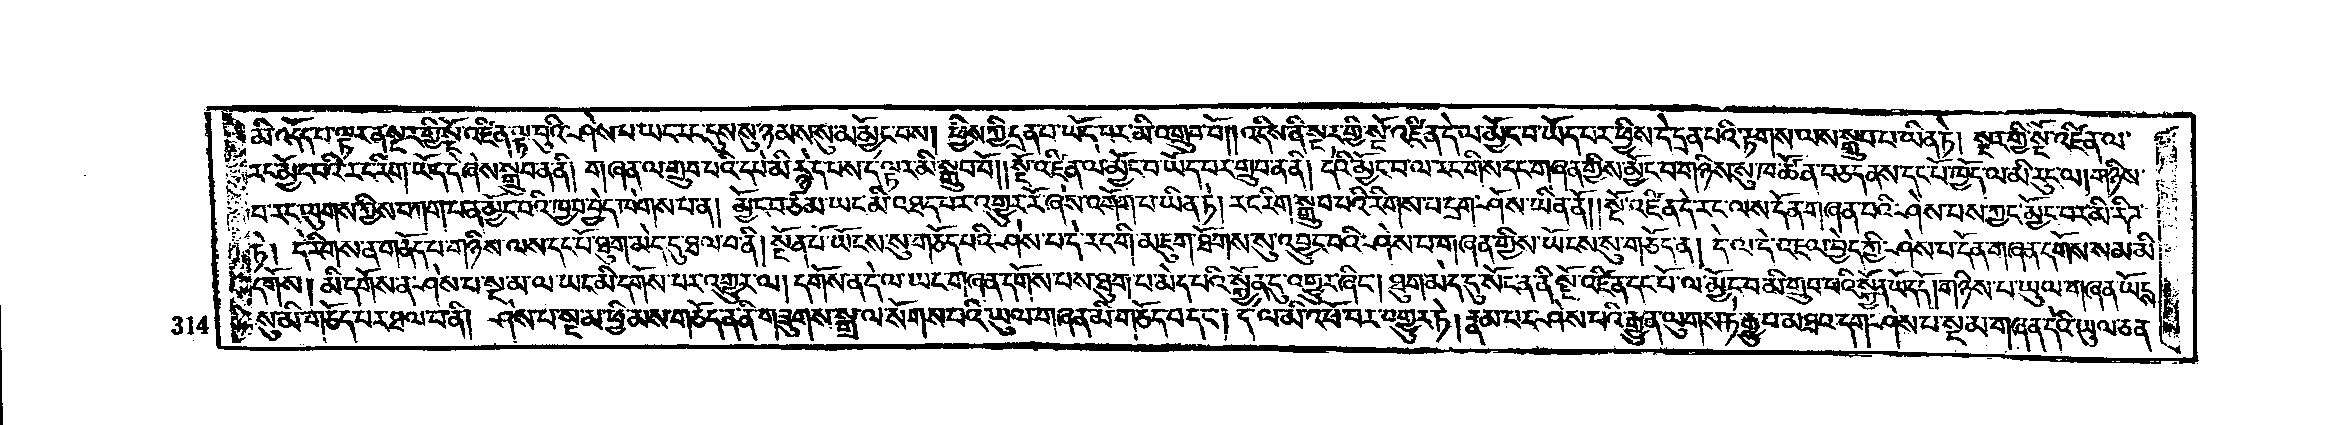མི་འདོད་པ་ལྟར་ན་སྔར་གྱི་སྔོ་འཛིན་ལྟ་བུའི་ཤེས་པ་ཡང་རང་དུས་སུ་ཉམས་སུ་མ་མྱོང་བས། ཕྱིས་ཀྱི་དྲན་པ་ཡོད་བར་མི་འགྲུབ་བོ། །འདིས་ནི་སྔར་གྱི་སྔོ་འཛིན་དེ་ལ་མྱོང་བ་ཡོད་པར་ཕྱིས་དེ་དྲན་པའི་རྟགས་ལས་སྒྲུབ་པ་ཡིན་ཏེ། སྔར་གྱི་སྔོ་འཛིན་ལ་
རང་མྱོང་བའི་རང་རིག་ཡོད་དེ་ཞེས་སྒྲུབ་ན་ནི། གཞན་ལ་གྲུབ་པའི་དཔེ་མི་རྙེད་པས་དེ་ལྟར་མི་སྒྲུབ་བོ། །སྔོ་འཛིན་ལ་མྱོང་བ་ཡོད་པར་གྲུབ་ན་ནི། དེའི་མྱོང་བ་ལ་རང་གིས་དང་གཞན་གྱིས་མྱོང་བ་གཉིས་སུ་ཁ་ཚོན་བཅད་ནས་དང་པོ་ཁྱོད་ལ་མི་རུང་ལ། གཉིས་
པ་རང་ལུགས་ཀྱིས་བཀག་པ་ན་མྱོང་བའི་ཁྱབ་བྱེད་ཁེགས་པ་ན། མྱོང་བ་ཙམ་ཡང་མི་འཐད་པར་འགྱུར་རོ་ཞེས་འགོག་པ་ཡིན་ཏེ། རང་རིག་སྒྲུབ་པའི་རིགས་པ་དྲག་ཤོས་ཡིན་ནོ། །སྔོ་འཛིན་དེ་རང་ལས་དོན་གཞན་པའི་ཤེས་པས་ཀྱང་མྱོང་བར་མི་རིགས་
ཏེ། དེ་རིགས་ན་གནོད་པ་གཉིས་ལས་དང་པོ་ཐུག་མེད་དུ་ཐལ་བ་ནི། སྔོན་པོ་ཡོངས་སུ་གཅོད་པའི་ཤེས་པ་དེ་རང་གི་མཇུག་ཐོགས་སུ་འབྱུང་བའི་ཤེས་པ་གཞན་གྱིས་ཡོངས་སུ་གཅོད་ན། དེ་ལ་དེ་འཇལ་བྱེད་ཀྱི་ཤེས་པ་དོན་གཞན་དགོས་སམ་མི་
དགོས། མི་དགོས་ན་ཤེས་པ་སྔ་མ་ལ་ཡང་མི་དགོས་པར་འགྱུར་ལ། དགོས་ན་དེ་ལ་ཡང་གཞན་དགོས་པས་ཐུག་པ་མེད་པའི་སྐྱོན་དུ་འགྱུར་ཞིང་། ཐུག་མེད་དུ་སོང་ན་ནི་སྔོ་འཛིན་དང་པོ་ལ་མྱོང་བ་མི་གྲུབ་པའི་སྐྱོན་ཡོད་དོ། གཉིས་པ་ཡུལ་གཞན་ཡོངས་
སུ་མི་གཅོད་པར་ཐལ་བ་ནི། ཤེས་པ་སྔ་མ་ཕྱི་མས་གཅོད་ན་ནི་གཟུགས་སྒྲ་ལ་སོགས་པའི་ཡུལ་གཞན་མི་གཅོད་པ་དང་། དེ་ལ་མི་འཕོ་བར་འགྱུར་ཏེ། རྣམ་པར་ཤེས་པའི་རྒྱུན་ལུགས་ཏེ་རྒྱུ་བ་མཐའ་དག་ཤེས་པ་སྔ་མ་གཞན་དེའི་ཡུལ་ཅན་